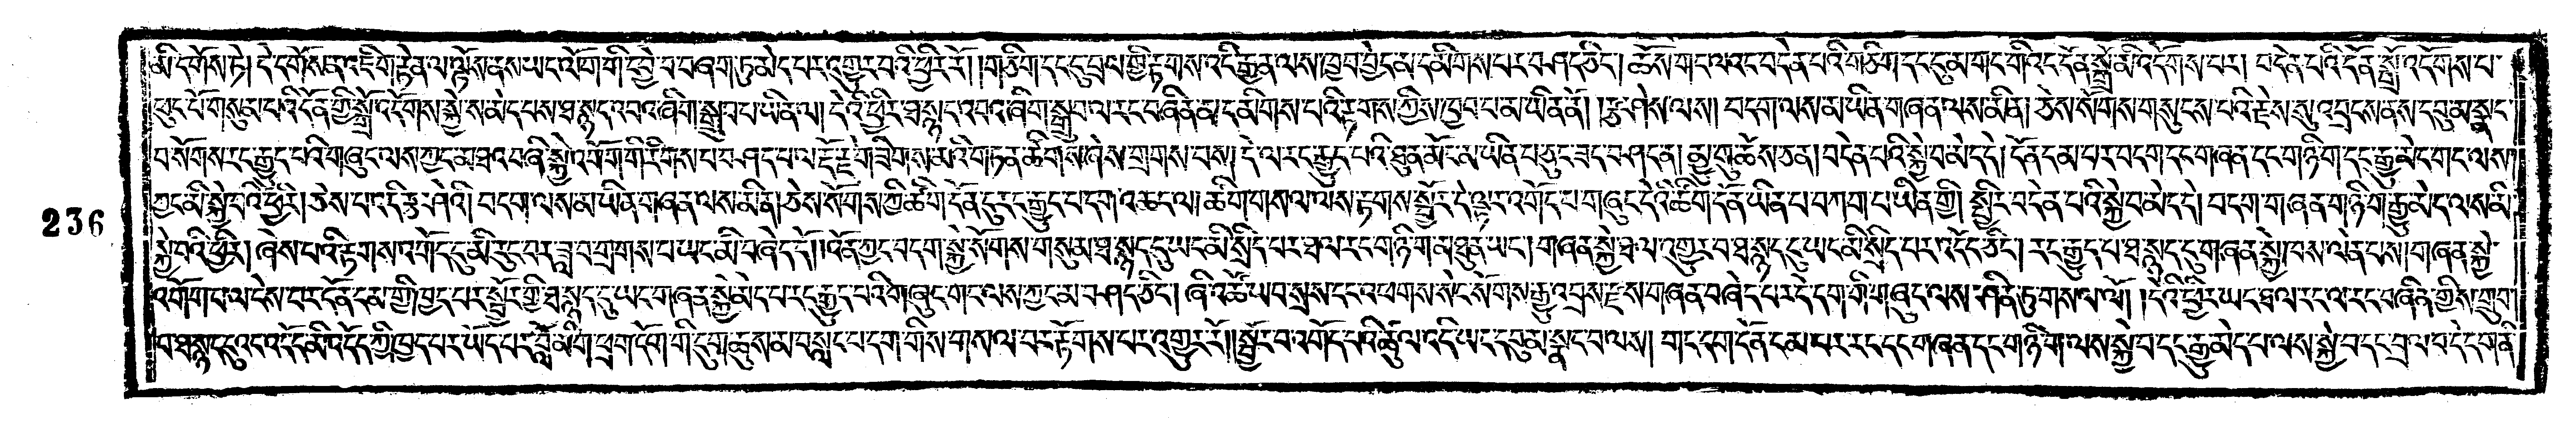མི་དགོས་ཏེ། དེ་དགོས་ན་འཇིག་རྟེན་ལ་ལྟོས་ནས་ཡང་ལོག་གི་དབྱེ་བ་བཞག་ཏུ་མེད་པར་འགྱུར་བའི་ཕྱིར་རོ། །གཅིག་དང་དུ་བྲལ་གྱི་རྟགས་འདི་རྒྱན་ལས་ཁྱབ་བྱེད་མ་དམིགས་པར་བཤད་ཅིང་། ཆོས་གང་ལའང་བདེན་པའི་གཅིག་དང་དུ་མ་གང་གིའང་དོན་སྒྲོ་མི་འདོགས་པར། བདེན་པའི་དོན་སྒྲོ་འདོགས་པ་
ཕུང་པོ་གསུམ་པའི་དོན་གྱི་སྒྲོ་འདོགས་སྐྱེ་ས་མེད་པས་ཐ་སྙད་འབའ་ཞིག་སྒྲུབ་པ་ཡིན་ལ། དེའི་ཕྱིར་ཐ་སྙད་འབའ་ཞིག་སྒྲུབ་ལ་རང་བཞིན་མ་དམིགས་པའི་རྟགས་ཀྱིས་ཁྱབ་པ་མ་ཡིན་ནོ། །རྩ་ཤེས་ལས། བདག་ལས་མ་ཡིན་གཞན་ལས་མིན། ཅེས་སོགས་གསུངས་པའི་རྗེས་སུ་འབྲངས་ནས་དབུ་མ་སྣང་
བ་སོགས་རང་རྒྱུད་པའི་གཞུང་ལས་ཀྱང་མཐའ་བཞི་སྐྱེ་འགོག་གི་རིགས་པ་བཤད་པ་ལ་རྡོ་རྗེ་གཟིགས་མའི་གཏན་ཚིགས་ཞེས་གྲགས་པས། དེ་ལ་རང་རྒྱུད་པའི་ཐུན་མོང་མ་ཡིན་པ་ཅུང་ཟད་བཤད་ན། མྱུ་གུ་ཆོས་ཅན། བདེན་པའི་སྐྱེ་བ་མེད་དེ། དོན་དམ་པར་བདག་དང་གཞན་དང་གཉི་ག་དང་རྒྱུ་མེད་གང་ལས་
ཀྱང་མི་སྐྱེ་བའི་ཕྱིར། ཅེས་པ་འདི་རྩ་ཤེའི། བདག་ལས་མ་ཡིན་གཞན་ལས་མིན། ཅེས་སོགས་ཀྱི་ཚིག་དོན་དུ་རང་རྒྱུད་པ་དག་འཆང་ལ། ཚིག་གསལ་ལས་རྟགས་སྦྱོར་དེ་ལྟར་འགོད་པ་གཞུང་དེའི་ཚིག་དོན་ཡིན་པ་བཀག་པ་ཡིན་གྱི། སྤྱིར་བདེན་པའི་སྐྱེ་བ་མེད་དེ། བདག་གཞན་གཉི་ག་རྒྱུ་མེད་ལས་མི་
སྐྱེ་བའི་ཕྱིར། ཞེས་པའི་རྟགས་འགོད་དུ་མི་རུང་བར་ཟླ་བ་གྲགས་པ་ཡང་མི་བཞེད་དོ། །འོན་ཀྱང་བདག་སྐྱེ་སོགས་གསུམ་ཐ་སྙད་དུ་ཡང་མི་སྲིད་པར་ཐལ་རང་གཉི་ག་མཐུན་ཡང་། གཞན་སྐྱེ་ཐལ་འགྱུར་བ་ཐ་སྙད་དུ་ཡང་མི་སྲིད་པར་འདོད་ཅིང་། རང་རྒྱུད་པ་ཐ་སྙད་དུ་གཞན་སྐྱེ་ཁས་ལེན་པས། གཞན་སྐྱེ་
འགོག་པ་ལ་ངེས་པར་དོན་དམ་གྱི་ཁྱད་པར་སྦྱོར་གྱི་ཐ་སྙད་དུ་ཡང་གཞན་སྐྱེ་མེད་པ་རང་རྒྱུད་པའི་གཞུང་གང་ལས་ཀྱང་མ་བཤད་ཅིང་། ཞི་འཚོ་ཡབ་སྲས་དང་འཕགས་སེང་སོགས་རྒྱུ་འབྲས་རྫས་གཞན་བཞེད་པར་དེ་དག་གི་གཞུང་ལས་ཤིན་ཏུ་གསལ་ལོ། །དེའི་ཕྱིར་ཡང་ཐལ་རང་ལ་རང་བཞིན་གྱིས་གྲུབ་
བ་ཐ་སྙད་དུའང་འདོད་མི་འདོད་ཀྱི་ཁྱད་པར་ཡོད་པར་བླ་མིག་ཕྲག་དོག་གི་དུག་ཆུས་མ་བསླང་པ་དག་གིས་གསལ་བར་རྟོགས་པར་འགྱུར་རོ། །སྦྱོར་བ་འགོད་པའི་ཚུལ་འདི་ཡང་དབུ་མ་སྣང་བ་ལས། གང་དག་དོན་དམ་པར་རང་དང་གཞན་དང་གཉི་ག་ལས་སྐྱེ་བ་དང་རྒྱུ་མེད་པ་ལས་སྐྱེ་བ་དང་བྲལ་བ་དེ་དག་ནི་